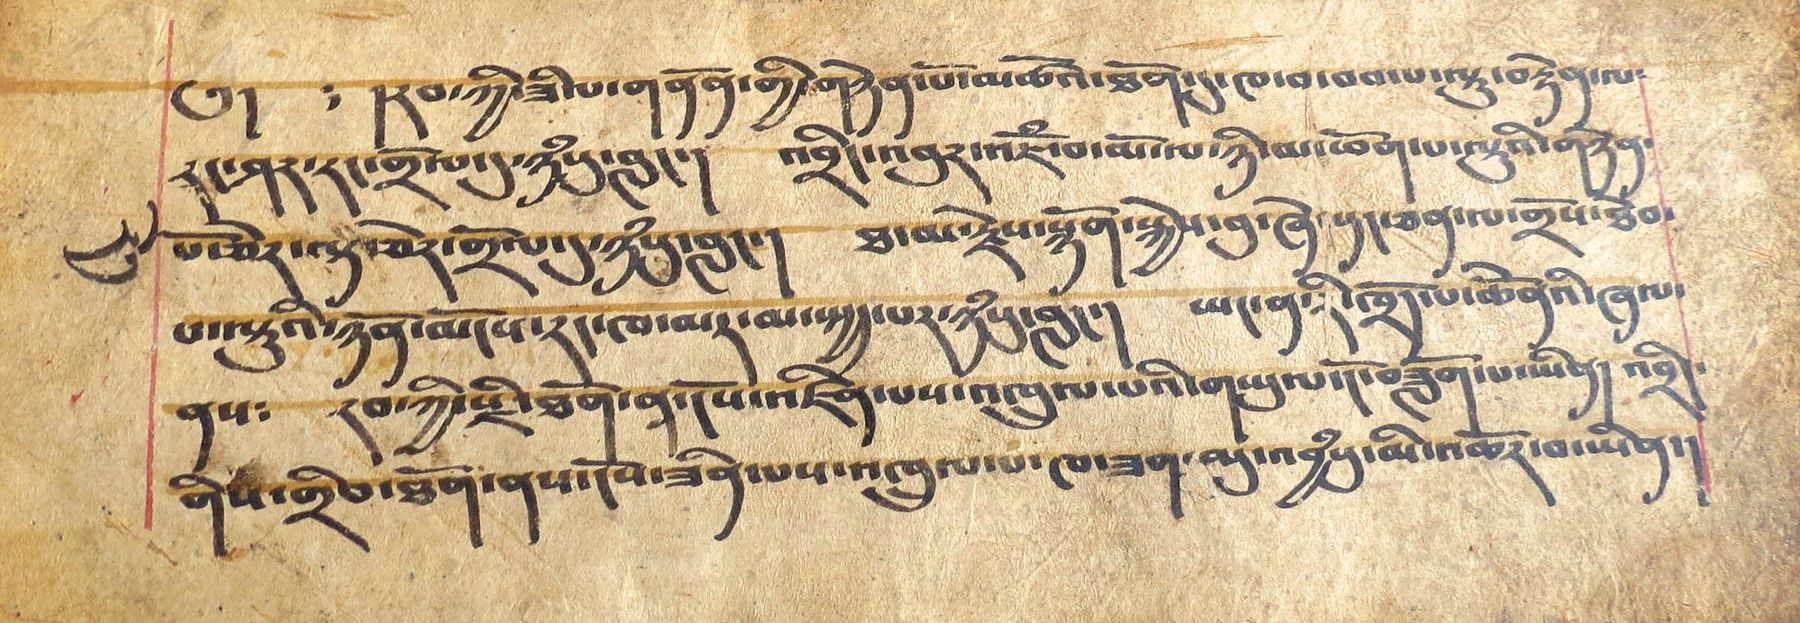རབ་ཟིལ་གནོན་གྱི་གཉེན་པོ་མཚོ་ཐོག་ཏུ་ཁ་བ་བབས་པ་ལྟ་བུ་བསྟེན་ལ། 
རང་ཤར་རང་གྲོལ་དུ་ཉམས་སུ་བླང་། འབྲིང་གིས་འབུར་འཇོམ་བ་མོ་ལ་ཉི་མ་ཕོག་པ་ལྟ་བུའི་གཉེན་
པོ་ཅེར་ལྟ་ཅེར་གྲོལ་དུ་ཉམས་སུ་བླང་། ཐ་མ་རྗེས་སྙོགས་སྐྱེས་བུ་ཞེ་སྡང་ཅན་ལ་གྲོས་ཐེབས་
པ་ལྟ་བུ་ཉོན་མོངས་པ་རང་ཁ་མར་མ་སྤྱད་པར་ཉམས་སུ་བླང་། ཡང་ན་རི་ཁྲོད་པ་ཆེན་པོའི་ཞལ་
ནས། རབ་ཀྱིས་རྫི་༼རྗེས༽ཐོག་ནས་ངོས་ཟིན་པས་འཁྲུལ་པའི་གཡུལ་ངོ་བཟློག་པ་ཡིན། འབྲིང་
གིས་གྲིབ་ཐོག་ནས་ངོས་ཟིན་པས་འཁྲུལ་པ་ཁ་ཟག་མུ་འབྱམས་སུ་མི་འཆོར་བ་ཡིན།